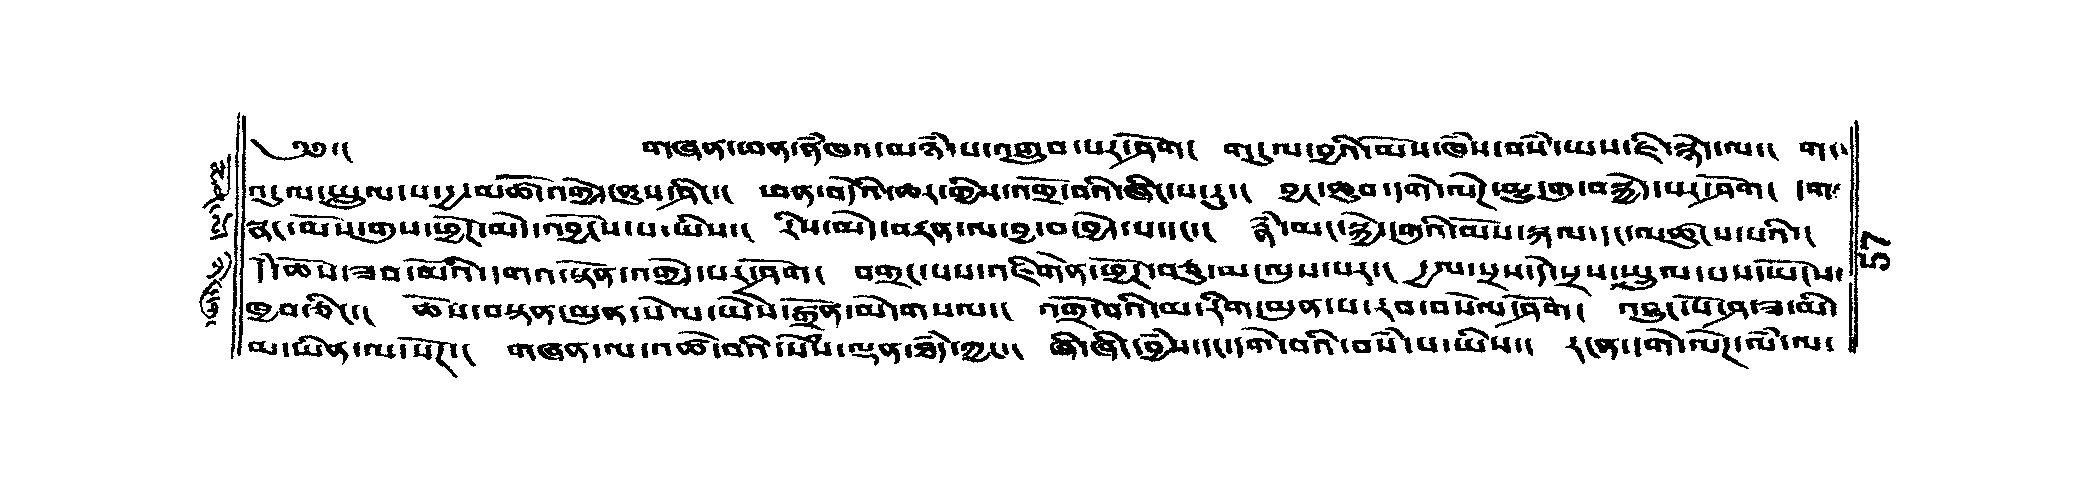།གཞན་ཕན་ནམ་མཁའ་མཉམ་པ་འགྲུབ་པར་ཤོག །གདུལ་བྱའི་མོས་ཁམས་བསམ་ཡས་ཇི་སྙེད་ལ། །གང་
འདུལ་སྤྲུལ་པ་རྒྱ་མཚོ་འགྱེད་ནུས་ཤིང་། །ཕན་བདེའི་ཆར་གྱིས་འགྲོ་བའི་ཞིང་ས་རུ། །བྱང་ཆུབ་དགེ་ལེགས་མྱུ་གུ་བསྐྱེད་པར་ཤོག །དག་
སྣང་མོས་གུས་ཕྱོགས་མེད་འབྱོངས་པ་ཡིས། །རིས་མེད་བསྟན་ལ་བྱ་བ་བྱེད་པ་དང་། །རྣམ་མང་སྐྱེ་དགུའི་མོས་སྐལ་དང་མཚུངས་པའི། །
དམ་ཆོས་ཟབ་མོའི་དགའ་སྟོན་འགྱེད་པར་ཤོག །བགྲང་ཡས་འཇིག་རྟེན་ཕྱོགས་བཅུ་མ་ལུས་པར། །རྒྱལ་དང་དེ་སྲས་སྤྲུལ་པས་ཡོངས་
ཁྱབ་ཅིང་། །ཆོས་བསྟན་མུན་སེལ་ཡེ་ཤེས་སྒྲོན་མེ་གསལ། །འགྲོ་བའི་མ་རིག་མུན་པ་རབ་སེལ་ཤོག །འབྱུང་པོ་ཤ་ཟ་མི་
མ་ཡིན་ལ་སོགས། །གཞན་ལ་འཚེ་བའི་སེམས་ལྡན་ཐམས་ཅད་ཀྱང་། །ཞི་ཞིང་བྱམས་དང་དགེ་བའི་བསམ་པ་ཡིས། །རང་གཞན་དགེ་ལེགས་ལམ་ལ་